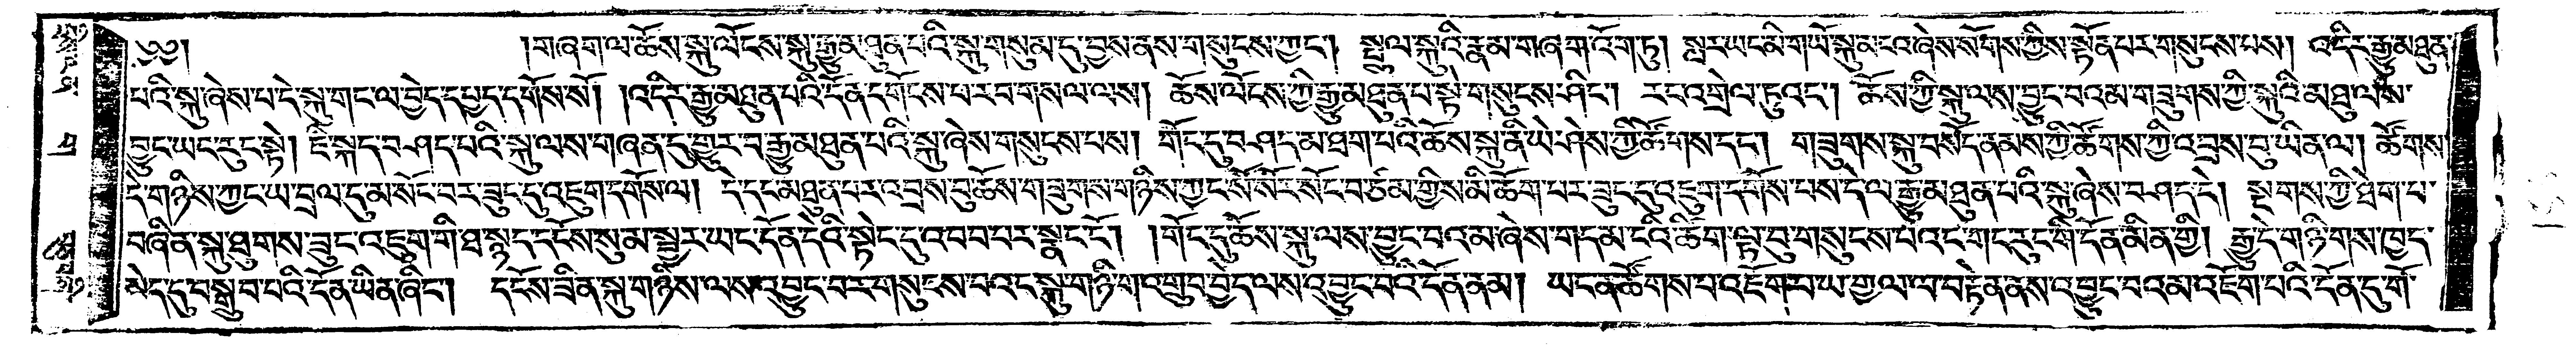༄༅། །གཞལ་ལ་ཆོས་སྐུ་ལོངས་སྐུ་རྒྱུ་མཐུན་པའི་སྐུ་གསུམ་དུ་བྱས་ནས་གསུངས་ཀྱང་། སྤྲུལ་སྐུའི་རྣམ་གཞག་འོག་ཏུ། སླར་ཡང་མི་གཡོ་སྐུ་མངའ་ཞེས་སོགས་ཀྱིས་སྟོན་པར་གསུངས་པས། འདིར་རྒྱུ་མཐུན་
པའི་སྐུ་ཞེས་པ་དེ་སྐུ་གང་ལ་བྱེད་དཔྱད་དགོས་སོ། །འདིར་རྒྱུ་མཐུན་པའི་དོན་དགོངས་པ་རབ་གསལ་ལས། ཆོས་ལོངས་ཀྱི་རྒྱུ་མཐུན་པ་སྟེ་གསུངས་ཤིང་། རང་འགྲེལ་ཏུའང་། ཆོས་ཀྱི་སྐུ་ལས་བྱུང་བའམ་གཟུགས་ཀྱི་སྐུའི་མཐུ་ལས་
བྱུང་ཡང་རུང་སྟེ། ཇི་སྐད་བཤད་པའི་སྐུ་ལས་གཞན་དུ་གྱུར་བ་རྒྱུ་མཐུན་པའི་སྐུ་ཞེས་གསུངས་པས། གོང་དུ་བཤད་མ་ཐག་པའི་ཆོས་སྐུ་ནི་ཡེ་ཤེས་ཀྱི་ཚོགས་དང་། གཟུགས་སྐུ་བསོད་ནམས་ཀྱི་ཚོགས་ཀྱི་འབྲས་བུ་ཡིན་ལ། ཚོགས་
དེ་གཉིས་ཀྱང་ཡ་བྲལ་དུ་མ་སོང་བར་ཟུང་དུ་འཇུག་དགོས་ལ། དེ་དང་མཐུན་པར་འབྲས་བུ་ཆོས་གཟུགས་གཉིས་ཀྱང་སོ་སོར་སོང་བ་ཙམ་གྱིས་མི་ཆོག་པར་ཟུང་དུ་འཇུག་དགོས་པས་དེ་ལ་རྒྱུ་མཐུན་པའི་སྐུ་ཞེས་བཤད་དེ། སྔགས་ཀྱི་ཐེག་པ་
བཞིན་སྐུ་ཐུགས་ཟུང་འཇུག་གི་ཐ་སྙད་དངོས་སུ་མ་སྦྱར་ཡང་དོན་དེའི་སྟེང་དུ་འབབ་པར་སྣང་ངོ། །གོང་དུ་ཆོས་སྐུ་ལས་བྱུང་བའམ་ཞེས་གདམ་ངའི་ཚིག་ལྟ་བུ་གསུངས་པའང་གང་རུང་གི་དོན་མིན་གྱི། རྒྱུ་དེ་གཉིས་ཁྱད་
མེད་དུ་བསྒྲུབ་པའི་དོན་ཡིན་ཞིང་། དངོས་ཟིན་སྐུ་གཉིས་ལས་འབྱུང་བར་གསུངས་པའང་སྐུ་གཉི་ག་འགྲུབ་བྱེད་ལས་འབྱུང་བའི་དོན་ནམ། ཡང་ན་ཚོགས་པ་འཇོག་པ་ཡ་གྱལ་ལ་བརྟེན་ནས་འབྱུང་བའམ་འཇོག་པའི་དོན་དུ་གོ་